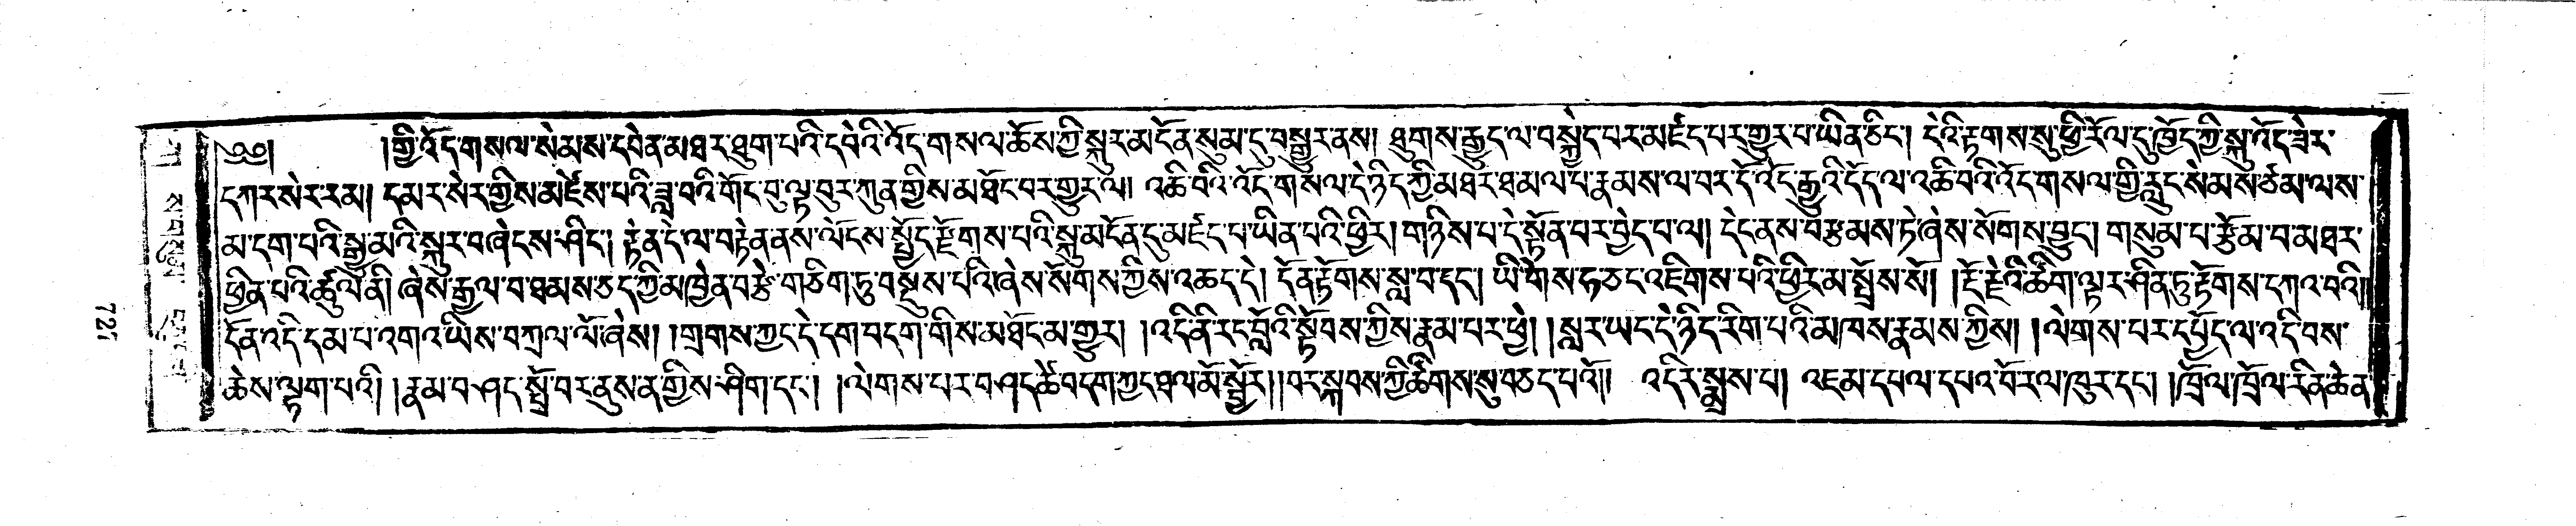༄༅། །གྱི་འོད་གསལ་སེམས་དབེན་མཐར་ཐུག་པའི་དཔེའི་འོད་གསལ་ཆོས་ཀྱི་སྐུར་མངོན་སུམ་དུ་བསྒྱུར་ནས། ཐུགས་རྒྱུད་ལ་བསྐྱེད་པར་མཛད་པར་གྱུར་པ་ཡིན་ཅིང་། དེའི་རྟགས་སུ་ཕྱི་རོལ་དུ་ཁྱོད་ཀྱི་སྐུ་འོད་ཟེར་
དཀར་སེར་རམ། དམར་སེར་གྱིས་མཛེས་པའི་ཟླ་བའི་གོང་བུ་ལྟ་བུར་ཀུན་གྱིས་མཐོང་བར་གྱུར་ལ། འཆི་བའི་འོད་གསལ་དེ་ཉིད་ཀྱི་མཐར་ཐ་མལ་པ་རྣམས་ལ་བར་དོ་འོང་རྒྱུའི་དོད་ལ་འཆི་བའི་འོད་གསལ་གྱི་རླུང་སེམས་ཙམ་ལས་
མ་དག་པའི་སྒྱུ་མའི་སྐུར་བཞེངས་ཤིང་། རྟེན་དེ་ལ་བརྟེན་ནས་ལོངས་སྤྱོད་རྫོགས་པའི་སྐུ་མངོན་དུ་མཛད་པ་ཡིན་པའི་ཕྱིར། གཉིས་པ་དེ་སྟོན་པར་བྱེད་པ་ལ། དེང་ནས་བརྩམས་ཏེ་ཞེས་སོགས་བྱུང་། གསུམ་པ་རྩོམ་པ་མཐར་
ཕྱིན་པའི་ཚུལ་ནི། ཞེས་རྒྱལ་བ་ཐམས་ཅད་ཀྱི་མཁྱེན་བརྩེ་གཅིག་ཏུ་བསྡུས་པའི་ཞེས་སོགས་ཀྱིས་འཆད་དེ། དོན་རྟོགས་སླ་བ་དང་། ཡི་གེས་ཧ་ཅང་འཇིགས་པའི་ཕྱིར་མ་སྤྲོས་སོ། །རྡོ་རྗེའི་ཚིག་ལྟར་ཤིན་ཏུ་རྟོགས་དཀའ་བའི། །
དོན་འདི་དམ་པ་འགའ་ཡིས་བཀྲལ་ལོ་ཞེས། །གྲགས་ཀྱང་དེ་དག་བདག་གིས་མཐོང་མ་གྱུར། །འདི་ནི་རང་བློའི་སྟོབས་ཀྱིས་རྣམ་པར་ཕྱེ། །སླར་ཡང་དེ་ཉིད་རིག་པའི་མཁས་རྣམས་ཀྱིས། །ལེགས་པར་དཔྱོད་ལ་འདི་བས་
ཆེས་ལྷག་པའི། །རྣམ་བཤད་སྤྲོ་བར་ནུས་ན་གྱིས་ཤོག་དང་། །ལེགས་པར་བཤད་ཚེ་བདག་ཀྱང་ཐལ་མོ་སྦྱོར། །བར་སྐབས་ཀྱི་ཚིགས་སུ་བཅད་པའོ། །འདིར་སྨྲས་པ། འཇམ་དཔལ་དཔའ་བོ་རལ་ཁུར་དང་། །ཁྲོལ་ཁྲོལ་རིན་ཆེན་